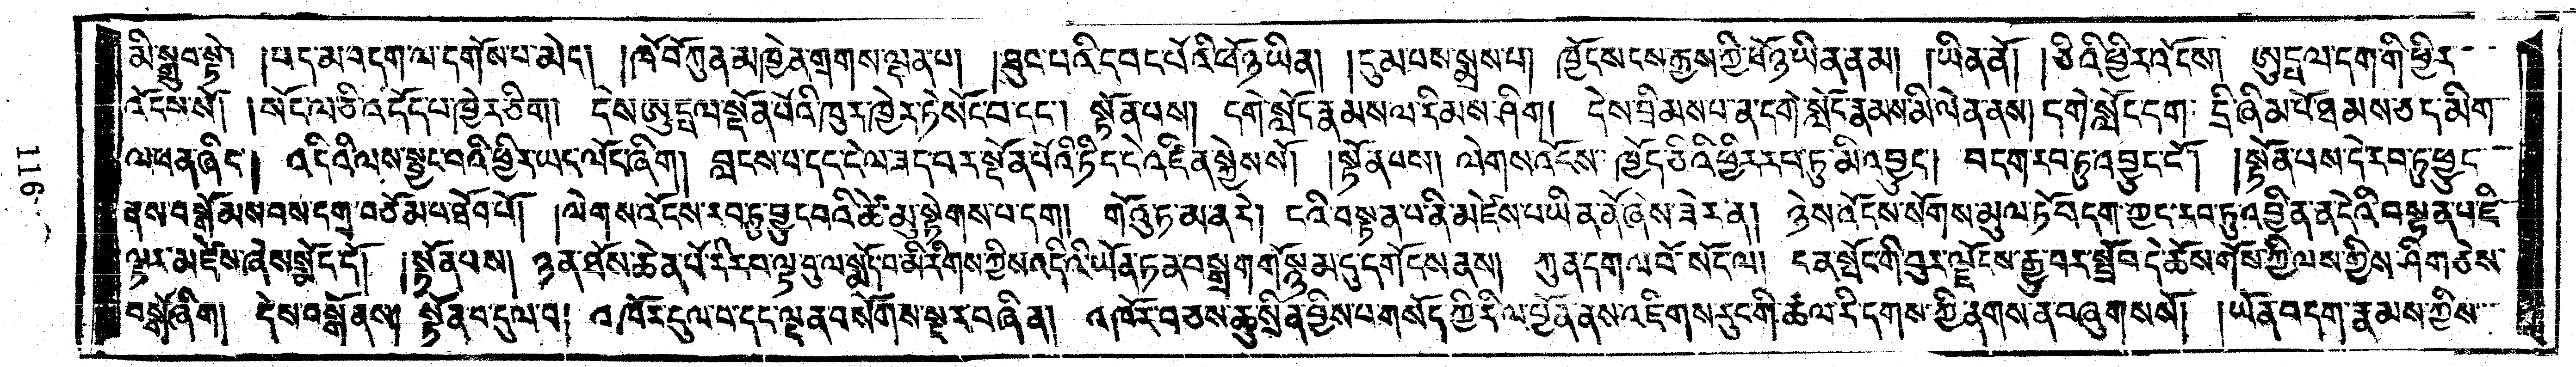མི་སྒྲུབ་སྟེ། །པད་མ་བདག་ལ་དགོས་པ་མེད། །ཁོ་བོ་ཀུན་མཁྱེན་གྲགས་ལྡན་པ། །ཐུབ་པའི་དབང་པོའི་ཕོ་ཉ་ཡིན། །དུམ་པས་སྨྲས་པ། ཁྱོད་སངས་རྒྱས་ཀྱི་ཕོ་ཉ་ཡིན་ནམ། །ཡིན་ནོ། །ཅིའི་ཕྱིར་འོངས། ཨུཏྤལ་དག་གི་ཕྱིར་
འོངས་སོ། །སོང་ལ་ཅི་འདོད་པ་ཁྱེར་ཅིག། དེས་ཨུདཔལ་སྔོན་པོའི་ཁུར་ཁྱེར་ཏེ་སོང་བ་དང་། སྟོན་པས། དགེ་སློང་རྣམས་ལ་རིམས་ཤིག། དེས་བྲིམས་པ་ན་དགེ་སློང་རྣམས་མི་ལེན་ནས། དགེ་སློང་དག། དྲི་ཞིམ་པོ་ཐམས་ཅད་མིག་
ལ་ཕན་ཞིང་། འདིའི་ལས་སྦྱང་བའི་ཕྱིར་ཡང་ལོང་ཞིག། བླངས་པ་དང་དེ་ལ་ཟད་པར་སྔོན་པོའི་ཏིང་ངེ་འཛིན་སྐྱེས་སོ། །སྟོན་པས། ལེགས་འོངསཿ ཁྱོད་ཅིའི་ཕྱིར་རབ་ཏུ་མི་འབྱུང་། བདག་རབ་ཏུ་འབྱུང་ངོ། །སྟོན་པས་དེ་རབ་ཏུ་ཕྱུང་
ནས་བསྒོམས་པས་དགྲ་བཅོམ་པ་ཐོབ་བོ། །ལེགས་འོངས་རབ་ཏུ་བྱུང་བའི་ཚེ་མུ་སྟེགས་པ་དག། གོའུ་ཏ་མ་ན་རེ། ངའི་བསྟན་པ་ནི་མཛེས་པ་ཡིན་ནོ་ཞེས་ཟེར་ན། ཉེས་འོངས་སོགས་མུལ་ཏོ་བདག་ཀྱང་རབ་ཏུ་འབྱིན་ན་དེའི་བསྟན་པ་ཇི་
ལྟར་མཛེས་ཞེས་སྨོད་དོ། །སྟོན་པས། ཉན་ཐོས་ཆེན་པོ་རི་རབ་ལྟ་བུ་ལ་སྨོད་པ་མི་རིགས་ཀྱིས་འདིའི་ཡོན་ཏན་བསྒྲག་གོ་སྙམ་དུ་དགོངས་ནས། ཀུན་དག་ལ་བོ་སོང་ལ། ངན་སྤོང་གི་བུར་ལྗོངས་རྒྱུ་བར་སྤྲོ་བ་དེ་ཆོས་གོས་ཀྱི་ལས་གྱིས་ཤིག་ཅེས་
བསྒོ་ཞིག། དེས་བསྒོ་ནས། སྟོན་པ་དུལ་བ། འཁོར་དུལ་བ་དང་ལྡན་བསོགས་སྔར་བཞིན། འཁོར་བཅས་ཆུ་སྲིན་བྱིས་པ་གསོད་ཀྱི་རིལ་བྱོན་ནས་འཇིགས་རུང་གི་ཚལ་རི་དགས་ཀྱི་ནགས་ན་བཞུགས་སོ། །ཡོན་བདག་རྣམས་ཀྱིས་